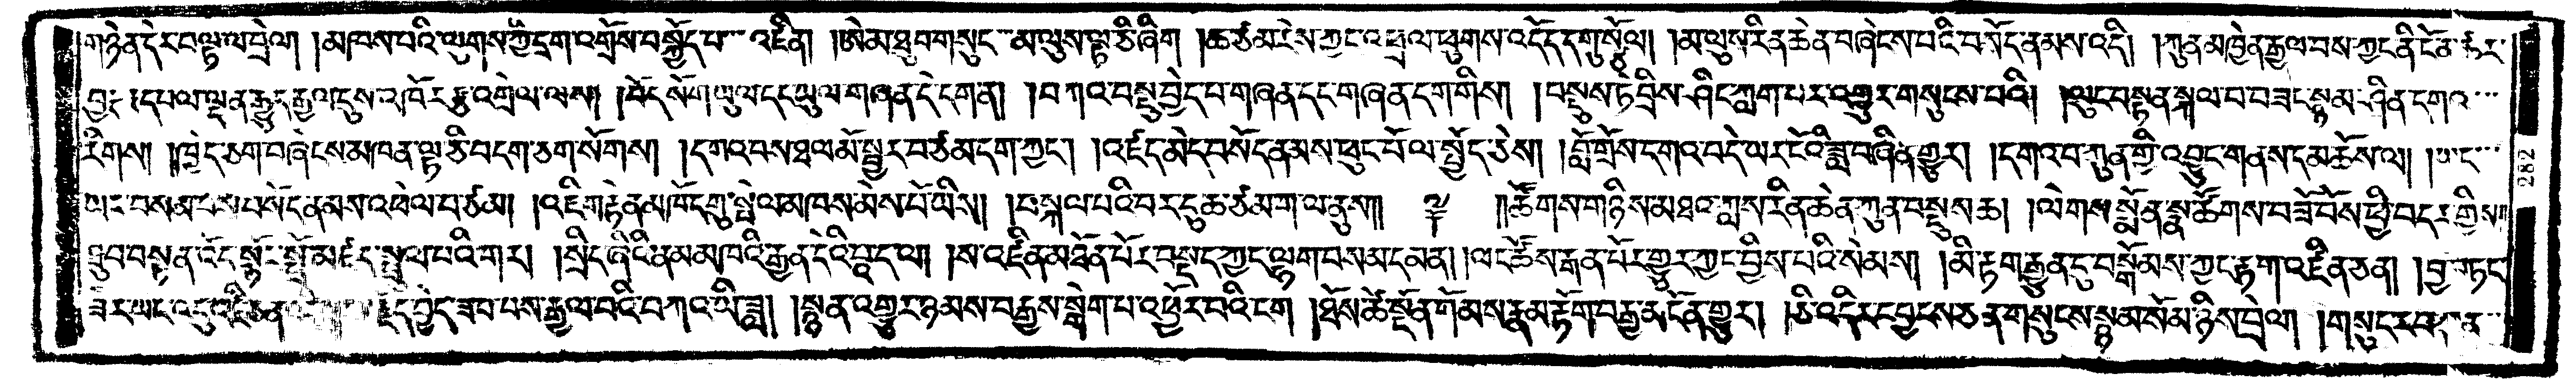གཉེན་དེར་བསྟ་ལ་བྲེལ། །མཁས་པའི་ལུགས་ཀྱི་དྲག་འགྲོས་བསྐྱོད་པ་འཛིན། །ཨེ་མཐུབ་གསུང་མ་ལུས་ལྟ་ཅི་ཞིག །ཆ་ཙམ་རེས་ཀྱང་འཕྲལ་ཕུགས་འདོད་དགུ་སྩོལ། །མ་ལུས་རིན་ཆེན་བཞེངས་བའི་བསོད་ནམས་འདི། །ཀུན་མཁྱེན་རྒྱལ་བས་ཀྱང་ནི་ངོ་མཚར་
བྱད་།དཔལ་ལྡན་རྒྱུད་རྒྱལ་དུས་འཁོར་རྩམ་འགྲེལ་ལས། །བོད་སོགས་ཡུལ་དང་ཡུལ་གཞན་དེ་དགན། །བཀའ་བསྡུ་བྱེད་བ་གཞན་དང་གཞན་དག་གིས། །བསྡུས་ཏེ་བྲིས་ཤིང་ཀླག་པར་འགྱུར་གསུངས་བའི། །ལུང་བསྟན་སྐལ་བ་བཟང་སྙམ་ཤིང་དགའ་
རིགས། །ཁྱེད་ཅག་བཞེངས་མཁན་ལྟ་ཅི་བདག་ཅག་སོགས། །དགའ་བས་ཐལ་མོ་སྦྱར་བཙམ་དག་ཀྱང་། །འཛད་མེད་བསོད་ནམས་ཕུང་པོལ་སྤྱོད་ཅེས། །བློ་གྲོས་དགའ་བདེ་ལར་ངོའི་ཟླ་བཞིན་གྱུར། །དགའ་ཀུན་གྱི་འབྱུང་གནས་དམ་ཆོས་ལ། །ཡང་
ཡང་བསམ་བས་བསོད་ནམས་འཕེལ་བ་ཙམ། །འཇིག་རྟེན་མཁོ་དགུ་སྤེལ་མཁས་མེས་པོ་ཡིས། །བསྐལ་པའི་བར་དུ་ཆ་ཙམ་གལ་ནུས།། ༈ །།ཚོགས་གཉིས་མཐའ་ཀླས་རིན་ཆེན་ཀུན་བསྡུས་ཆ། །ལེགས་སྨོན་སྣ་ཚོགས་བཟོ་པོས་ཕྱི་བདར་གྱིས་
ཐུབ་བསྟན་འདོ་སྟོང་སྤྲོ་མཛད་སྤྲེལ་བའི་གར། །སྲིད་ཞིང་ནམ་མཁའི་རྒྱན་དེའི་བཱད་ལ། །ས་འཛིན་མཐོན་པོར་བསྔད་ཀྱང་ལྷག་བསམ་དམན། །ལང་ཚོས་རྒན་པོར་གྱུར་ཀྱང་བྱིས་པའི་སེམས། །མི་རྟག་རྒྱུན་དུ་བསྒོམས་ཀྱང་རྟག་འཛིན་ཅ། །བྱ་བཏང་
ཟེར་ཡང་འདུ་འཇི་ཅན་དེ?་??་རྗད?་བྱེད་ཟབ་པས་རྒྱལ་བའི་བཀའ་ཡི་ཟླ། །སྙན་འགྱུར་སྙམས་བརྒྱས་སྒེག་པ་འཕྱོར་བའི་ངག །ཐོས་ཚེ་སྔོན་གོམས་རྣམ་རྟོག་བརྒྱ་མངོན་གྱུར། །ཅི་འདིར་དབྱངས་སྙམ་སོམ་ཉིས་བྲེལ། །གསུང་རབ་དན་